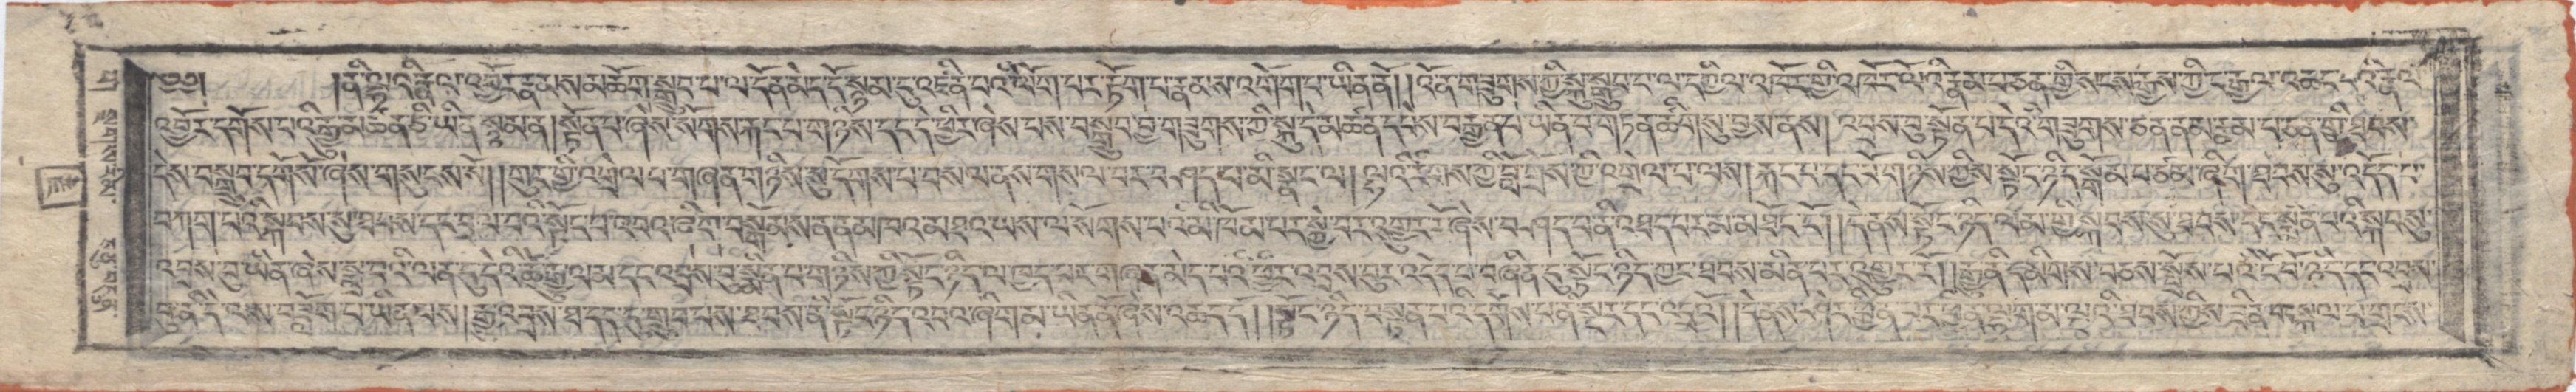༄༅། །ནི་ལྷའི་རྣལ་འབྱོར་རྣམས་མཆོག་སྒྲུབ་པ་ལ་དོན་མེད་དོ་སྙམ་དུ་འཛིན་པའི་ལོག་པར་རྟོག་པ་རྣམས་འགོག་པ་ཡིན་ནོ། །འོ་ན་གཟུགས་ཀྱི་སྐུ་སྒྲུབ་པ་ལ་དཀྱིལ་འཁོར་གྱི་འཁོར་ལོའི་རྣམ་པ་ཅན་གྱི་སངས་རྒྱས་ཀྱི་ང་རྒྱལ་འཆང་བའི་རྣལ་
འབྱོར་དགོས་པའི་རྒྱུ་མཚན་ཅི་ཡིན་སྙམ་ན། སྟོན་པ་ཞེས་སོགས་རྐང་པ་གཉིས་དང་དེ་ཕྱིར་ཞེས་པས་བསྒྲུབ་བྱ་གཟུགས་ཀྱི་སྐུ་དེ་མཚན་དཔེས་བརྒྱན་པ་ཡིན་པ་གཏན་ཚིགས་སུ་བྱས་ནས། འབྲས་བུ་སྟོན་པ་དེའི་གཟུགས་ཅན་ནམ་རྣམ་པ་ཅན་གྱི་ཐབས་
དེས་བསྒྲུབ་དགོས་སོ་ཞེས་གསུངས་སོ། །གུར་གྱི་འགྲེལ་པ་གཞན་གཉིས་སུ་དོགས་པ་བསལ་ནས་གསལ་བར་བཤད་པ་མི་སྣང་ལ། ལྷའི་རིགས་ཀྱི་བློ་གྲོས་ཀྱི་འགྲེལ་པ་ལས། རྐང་པ་དང་པོ་གཉིས་ཀྱིས་སྟོང་ཉིད་སྒོམ་པ་ཙམ་ཞིག་ཐབས་སུ་འདོད་པ་
བཀག་པའི་སྐབས་སུ་ཐབས་དང་བྲལ་བའི་སྟོང་པ་འབའ་ཞིག་བསྒོམས་ན་ནམ་མཁའ་མཐའ་ཡས་ལ་སོགས་པའི་མི་ཁོམ་པར་སྐྱེ་བར་འགྱུར་རོ་ཞེས་བཤད་པ་ནི་འཐད་པར་མ་མཐོང་ངོ། །དེ་ནས་སྟོང་ཉིད་ལམ་གྱི་སྐབས་སུ་ཐབས་དང་སྨིན་པའི་སྐབས་སུ་
འབྲས་བུ་ཡིན་ཞེས་སྨྲ་བའི་ལན་དུ་དེའི་ཚེ་རྒྱུ་ལམ་དང་འབྲས་བུ་སྨིན་པ་གཉིས་ཀྱི་སྟོང་ཉིད་ལ་ཁྱད་པར་གཞན་མེད་པའི་ཕྱིར་འབྲས་བུར་འདོད་པ་བཞིན་དུ་སྟོང་ཉིད་ཀྱང་ཐབས་མིན་པར་འགྱུར་རོ། །རྒྱུ་ནི་དམིགས་བཅས་སྤྲོས་པའི་ངོ་བོ་ཉིད་དང་འབྲས་
བུ་ནི་དེ་ལས་བཟློག་པ་ཡིན་པས། རྒྱུ་འབྲས་ཐ་དད་དུ་གྲུབ་པས་ཐབས་ནི་སྟོང་ཉིད་འབའ་ཞིག་མ་ཡིན་ནོ་ཞེས་འཆད་དོ། །སྟོང་ཉིད་བསྟན་པའི་དགོས་པ་ནི་སྔར་དང་འདྲའོ། །དེ་ནས་ཤེར་ཕྱིན་པར་ཕྱིན་ལྷག་མ་ལྔའི་ཐབས་ཀྱིས་ཟིན་པ་བསྐལ་པ་གྲངས་